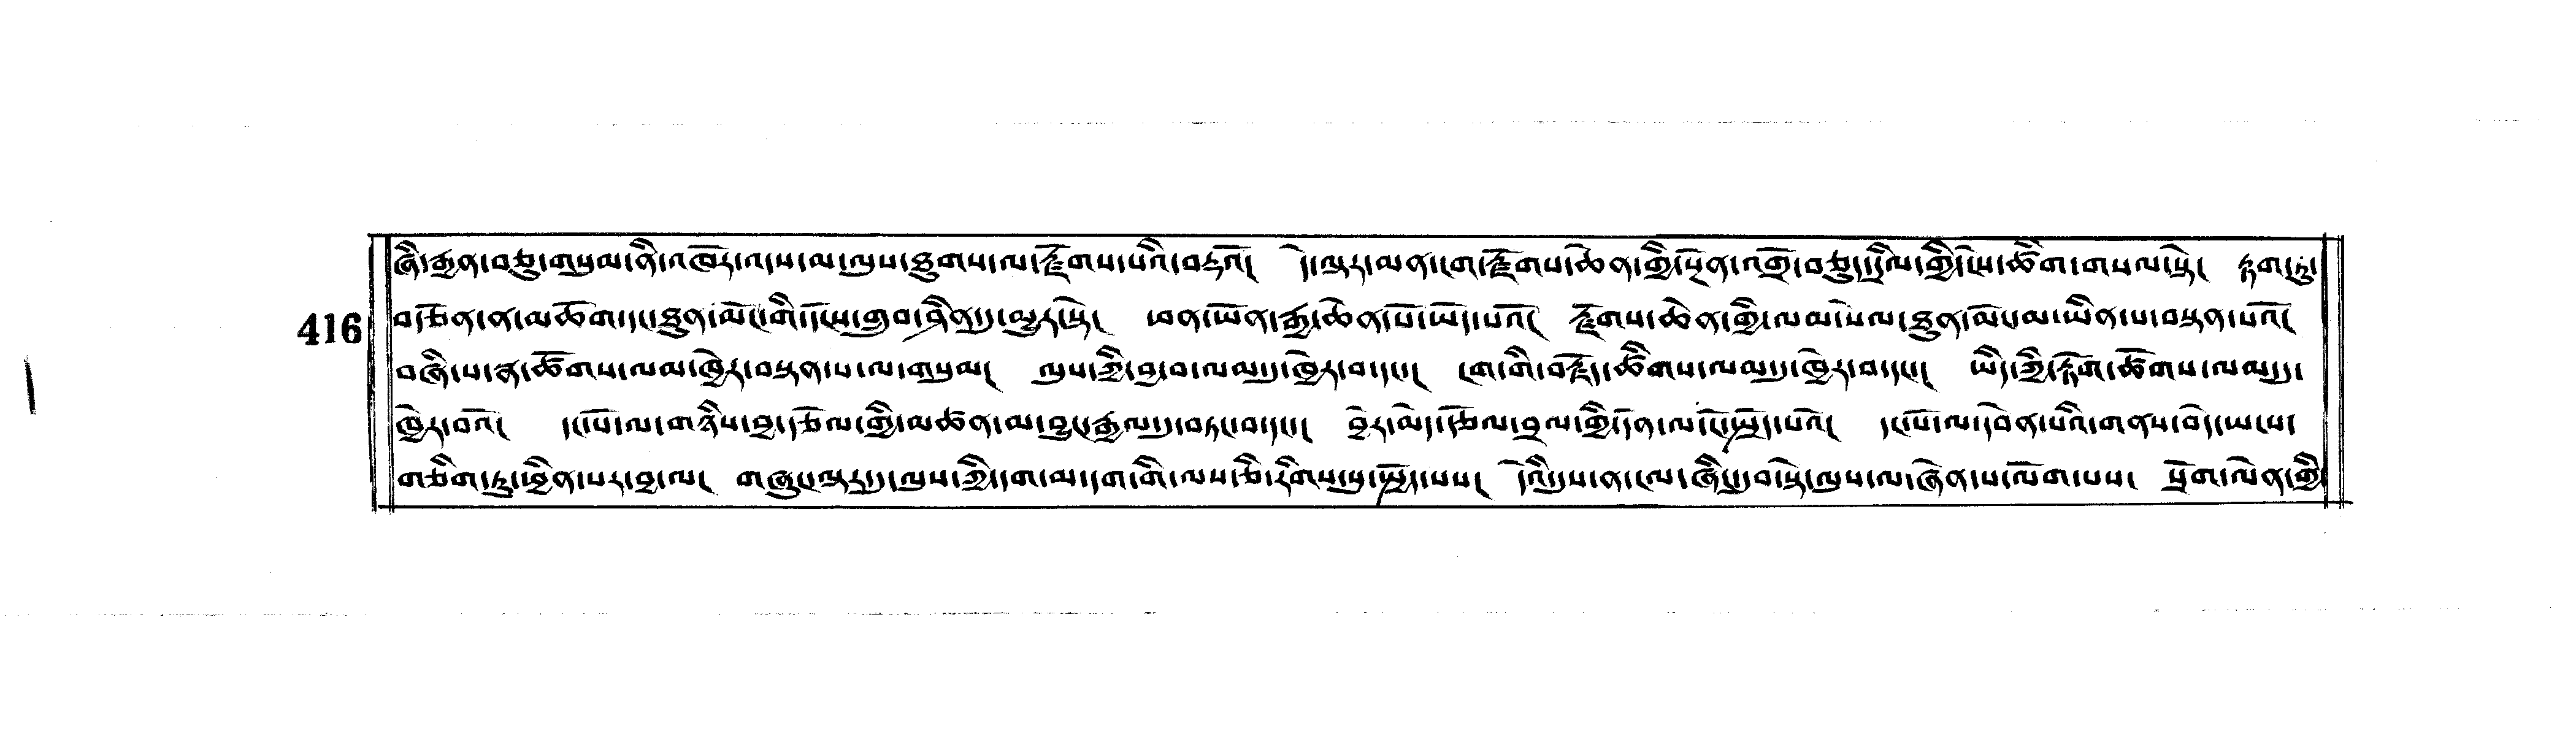ཞི་རྒྱན་བཅུ་གསུམ་ནི་འཁོར་འདས་མ་ལུས་ཐུགས་ལ་རྫོགས་པའི་བརྡའོ། དེ་ལྟར་མན་ངག་རྫོགས་ཆེན་གྱི་སྔོན་འགྲོ་བཅུད་དྲིལ་གྱི་ངེས་ཚིག་གསལ་ཏེ། རྟག་ཏུ་
བརྩོན་ན་མཆོག་དང་ཐུན་མོང་གི་དངོས་གྲུབ་ཤིན་ཏུ་མྱུར་ཏེ། ཕན་ཡོན་རྒྱ་ཆེན་པོ་ཡོད་པའོ། རྫོགས་ཆེན་གྱི་ལམ་སེལ་ཐུན་མོང་མ་ཡིན་པ་བསྟན་པའོ། 
བཞི་པ་སྣ་ཚོགས་ལམ་ཁྱེར་བསྟན་པ་ལ་གསུམ། ལུས་ཀྱི་བྱ་བ་ལམ་དུ་ཁྱེར་བ་དང་། ངག་གི་བརྗོད་ཚིག་ལམ་དུ་ཁྱེར་བ་དང་། ཡིད་ཀྱི་རྟོག་ཚོགས་ལམ་དུ་
ཁྱེར་བའོ། དང་པོ་ལ་གཉིས་བྱ་རྩོལ་གྱི་མཚན་མ་བྱུང་རྒྱལ་དུ་བཏང་བ་དང་། བྱར་མེད་རྩོལ་བྲལ་དུ་ངོ་སྤྲོད་པའོ། དང་པོ་ལ་དབེན་པའི་གནས་བདེ་ཡངས་
གཅིག་ཏུ་ཕྱིན་པར་བྱ་ལ། གཞུང་ལྟར་དུ་ལུས་ཀྱི་དག་མ་དག་གི་ལས་ཅི་རིགས་སུ་སྤྱོད་པས། དེའི་དུས་ན་ངལ་ཞིང་དུབ་སྟེ་ལུས་ལ་ཞེན་པ་ལོག་པས། སྲོག་ལེན་གྱི་